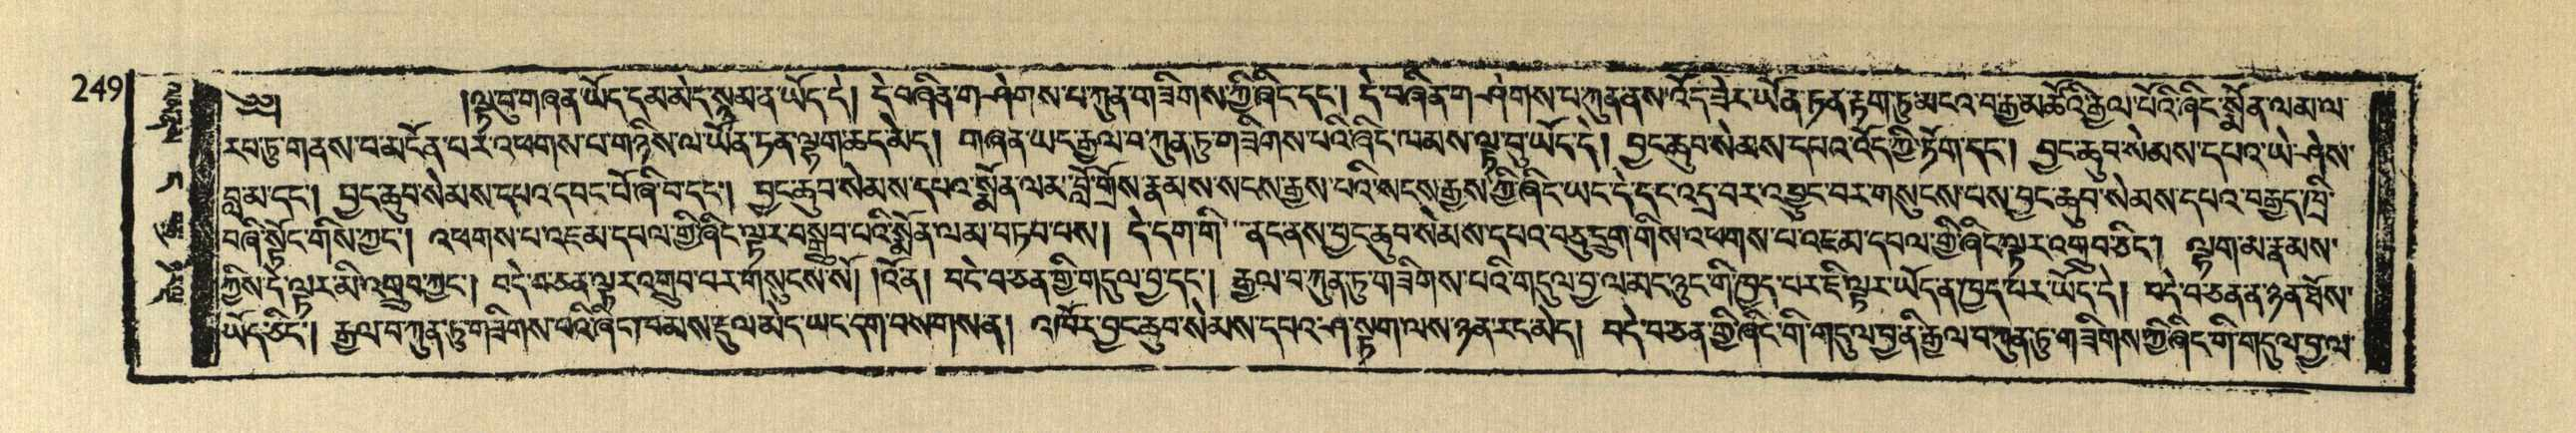༄༅། །ལྟ་བུ་གཞན་ཡོད་དམ་མེད་སྙམ་ན་ཡོད་དེ། དེ་བཞིན་གཤེགས་པ་ཀུན་གཟིགས་ཀྱི་ཞིང་དང་། དེ་བཞིན་གཤེགས་པ་ཀུན་ནས་འོད་ཟེར་ཡོན་ཏན་རྟག་ཏུ་མངའ་བ་རྒྱ་མཚོའི་རྒྱལ་པོའི་ཞིང་སྨོན་ལམ་ལ་
རབ་ཏུ་གནས་བ་མངོན་པར་འཕགས་པ་གཉིས་ལ་ཡོན་ཏན་ལྷག་ཆད་མེད། གཞན་ཡང་རྒྱལ་བ་ཀུན་ཏུ་གཟིགས་པའི་ཞིང་ལམས་ལྟ་བུ་ཡོད་དེ། བྱང་ཆུབ་སེམས་དཔའ་འོད་ཀྱི་ཏོག་དང་། བྱང་ཆུབ་སེམས་དཔའ་ཡེ་ཤེས་
བླ་མ་དང་། བྱང་ཆུབ་སེམས་དཔའ་དབང་པོ་ཞི་བ་དང་། བྱང་ཆུབ་སེམས་དཔའ་སྨོན་ལམ་བློ་གྲོས་རྣམས་སངས་རྒྱས་པའི་སངས་རྒྱས་ཀྱི་ཞིང་ཡང་དེ་དང་འདྲ་བར་འབྱུང་བར་གསུངས་པས་བྱང་ཆུབ་སེམས་དཔའ་བརྒྱད་ཁྲི་
བཞི་སྟོང་གིས་ཀྱང་། འཕགས་པ་འཇམ་དཔལ་གྱི་ཞིང་ལྟར་བསྒྲུབ་པའི་སྨོན་ལམ་བཏབ་པས། དེ་དག་གི་ནང་ནས་བྱང་ཆུབ་སེམས་དཔའ་བཅུ་དྲུག་གིས་འཕགས་པ་འཇམ་དཔལ་གྱི་ཞིང་ལྟར་འགྲུབ་ཅིང་། ལྷག་མ་རྣམས་
ཀྱིས་དེ་ལྟར་མི་འགྲུབ་ཀྱང་། བདེ་བ་ཅན་ལྟར་འགྲུབ་པར་གསུངས་སོ། །འོ་ན། བདེ་བ་ཅན་གྱི་གདུལ་བྱ་དང་། རྒྱལ་བ་ཀུན་ཏུ་གཟིགས་པའི་གདུལ་བྱ་ལ་མང་ཉུང་གི་ཁྱད་པར་ཇི་ལྟར་ཡོད་ན་ཁྱད་པར་ཡོད་དེ། བདེ་བ་ཅན་ན་ཉན་ཐོས་
ཡོད་ཅིང་། རྒྱལ་བ་ཀུན་ཏུ་གཟིགས་བའི་ཞིང་ཁམས་རྡུལ་མེད་ཡང་དག་བསགས་ན། འཁོར་བྱང་ཆུབ་སེམས་དཔའ་ཤ་སྟག་ལས་ཉན་རང་མེད། བདེ་བ་ཅན་གྱི་ཞིང་གི་གདུལ་བྱ་ནི་རྒྱལ་བ་ཀུན་ཏུ་གཟིགས་ཀྱི་ཞིང་གི་གདུལ་བྱ་ལ་